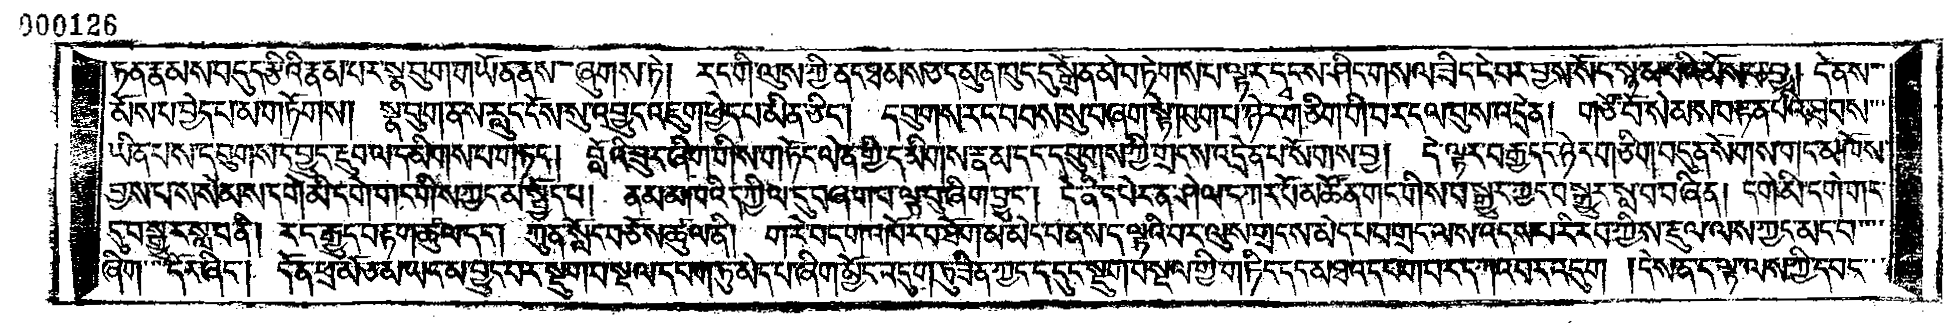ཏན་རྣམས་བདུད་རྩིའི་རྣམ་པར་སྣ་བུག་གཡོན་ནས་ཞུགས་ཏེ། རང་གི་ལུས་ཀྱི་ནང་ཐམས་ཅད་མུན་ཁུང་དུ་སྒྲོན་མེ་བཏེགས་པ་ལྟར་དྭངས་ཤིང་གསལ་ཟིང་ངེ་བར་བྱས་སོང་སྙམ་པའི་མོས་པ་བྱ། དེ་ནས་
མོས་པ་བྱེད་པ་མ་གཏོགས། སྣ་བུག་ནས་རླུང་ངོས་སུ་འབྱུང་འཇུག་ཕྱེད་པ་མིན་ཅིང་། དབུགས་རང་བབས་སུ་བཞག་སྟེ་ཁུག་པ་ཉེར་གཅིག་གི་བར་དལ་བུས་འདྲེན། གཙོ་བོ་སེམས་བརྟན་པའི་ཐབས་
ཡིན་པས་དབུགས་དབྱུང་རྔུབ་ལ་དམིགས་པ་གཏད། བློའི་ཟུར་ཞིག་གིས་གཏོང་ལེན་གྱི་དམིགས་རྣམ་དང་དབུགས་ཀྱི་གྲངས་འདྲེན་པ་སོགས་བྱ། དེ་ལྟར་བརྒྱ་དང་ཉེར་གཅིག་བདུན་སོགས་གང་མཁོས་
བྱས་པས་སེམས་དགེ་མི་དགེ་གང་གིས་ཀྱང་མ་སྤྱོད་པ། ནམ་མཁའི་དཀྱིལ་དུ་བཞག་པ་ལྟ་བུ་ཞིག་བྱུང་། དེ་ནི་དཔེར་ན་ཤེལ་དཀར་པོ་མཚོན་གང་གིས་བསྒྱུར་ཀྱང་བསྒྱུར་སླ་བ་བཞིན། དགེ་མི་དགེ་གང་
དུ་བསྒྱུར་སླ་བ་ནི། རང་རྒྱུད་བརྟག་ཚུལ་དང་། ཀུན་སློང་བཅོས་ཚུལ་ནི། ག་རེ་བདག་འཁོར་བ་ཐོག་མ་མེད་པ་ནས་ད་ལྟའི་བར་ལུས་གྲངས་མེད་པ་བགྲང་ལས་འདས་པ་རི་རབ་ཀྱིས་རྡུལ་ལས་ཀྱང་མང་བ་
ཞིག་དོར་ཞིང་། དོན་ཕྲ་མོ་ཙམ་ཡང་མ་བྱུང་བར་སྡུག་བསྔལ་དཔག་ཏུ་མེད་པ་ཞིག་མྱོང་འདུག་ཏུ་ཟིན་ཀྱང་ད་དུང་སྡུག་བསྔལ་གྱི་གཏིང་དང་མཐའ་དཔག་བར་དཀའ་བར་འདུག །དེས་ན་ད་ལྟ་ལས་ཀྱི་དབང་